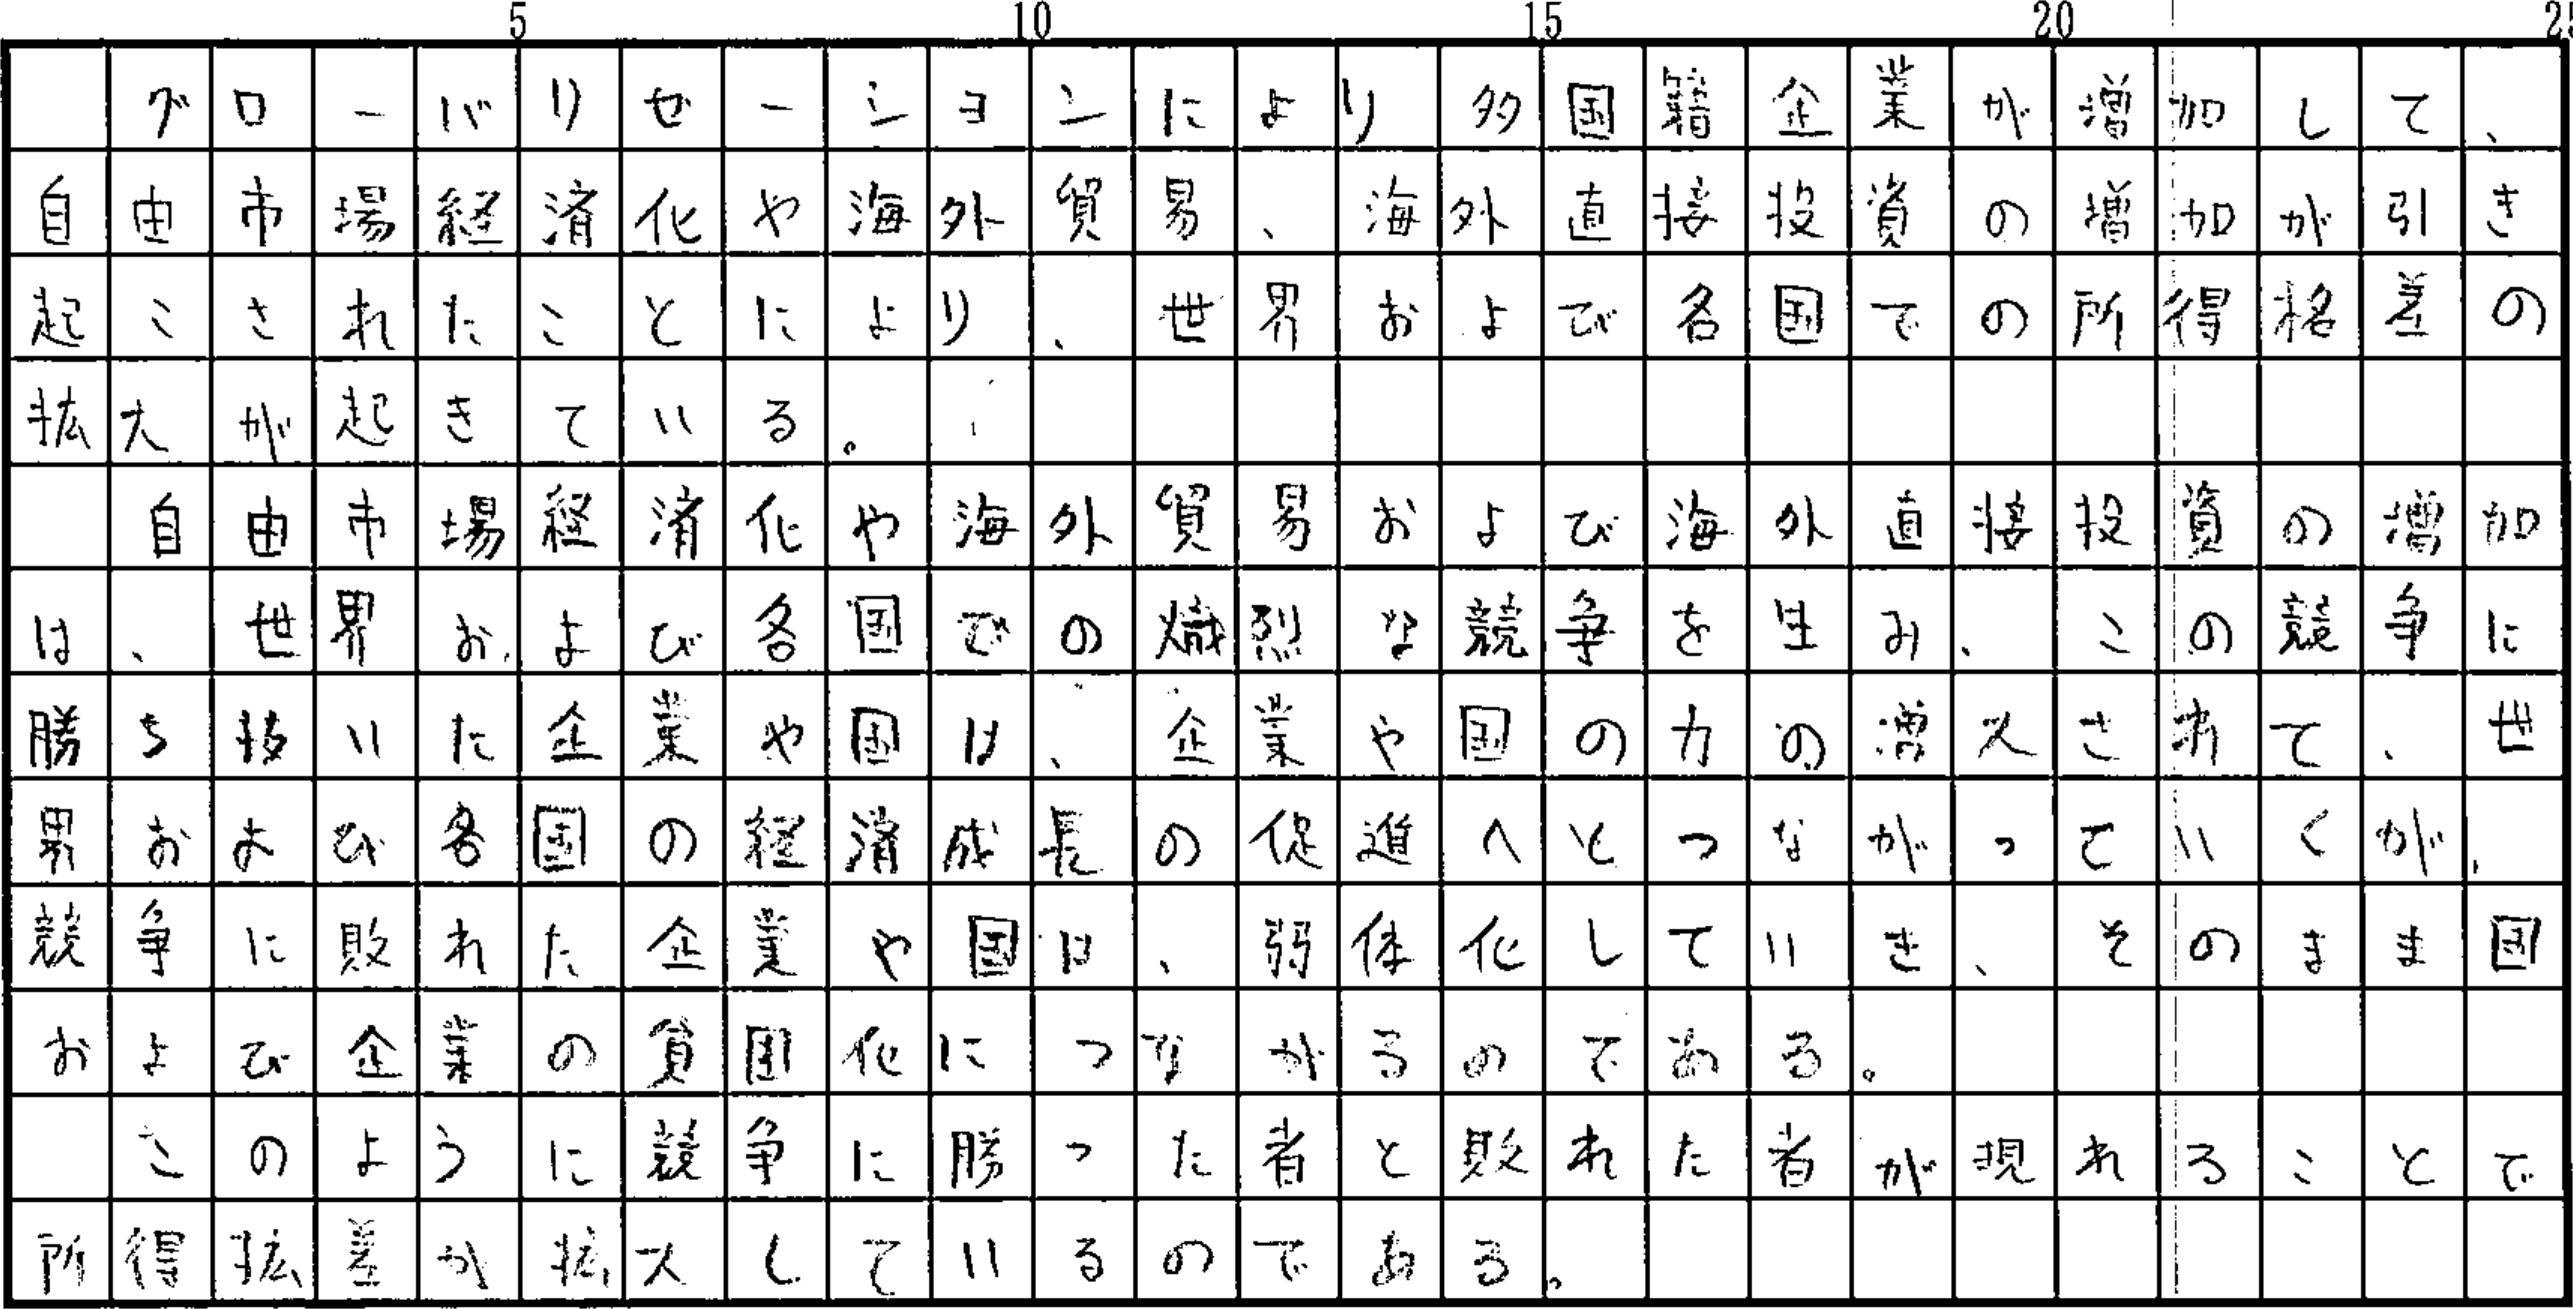　グローバリゼーションにより多国籍企業が増加して、自由市場経済化や海外貿易、海外直接投資の増加が引き起こされたことにより、世界および各国での所得格差の拡大が起きている。
　自由市場経済化や海外貿易および海外直接投資の増加は、世界および各国での熾烈な競争を生み、この競争に勝ち抜いた企業や国は、企業や国の力の増大されて、世界および各国の経済成長の促進へとつながっていくが、競争に敗れた企業や国は、弱体化していき、そのまま国および企業の貧困化につながるのである。
　このように競争に勝った者と敗れた者が現れることで所得拡差が拡大しているのである。
